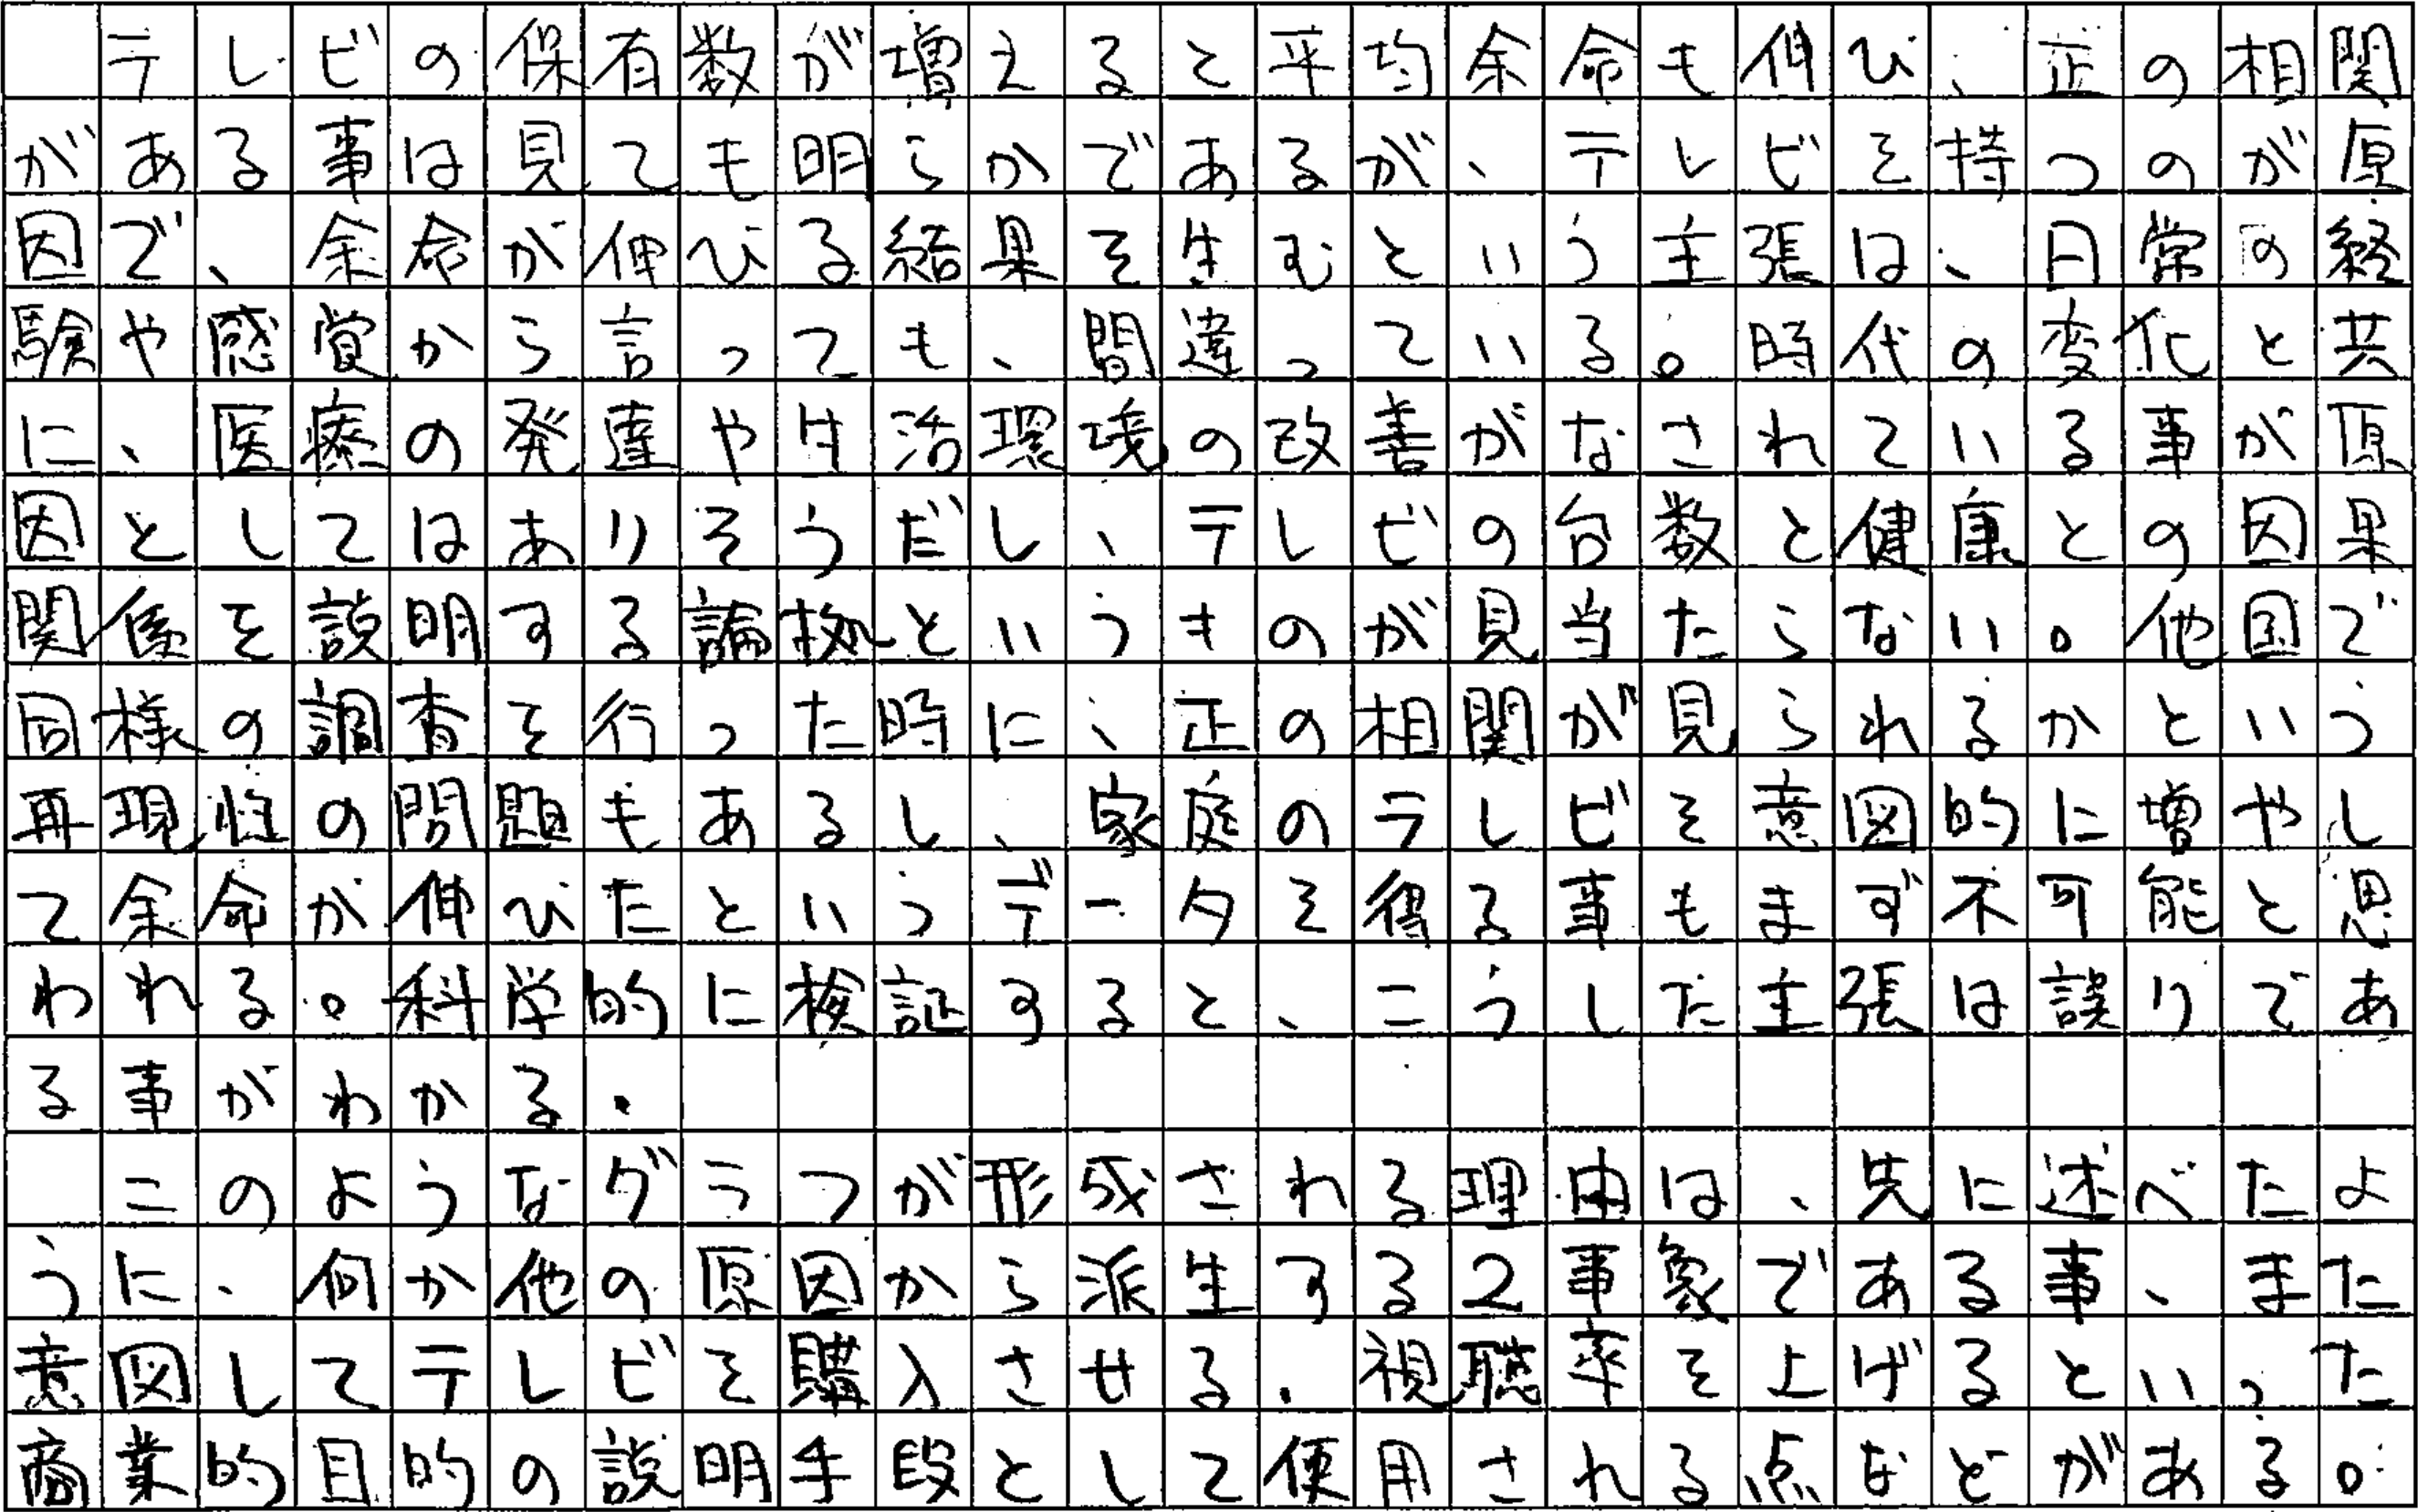　テレビの保有数が増えると平均余命も伸び、正の相関がある事は見ても明らかであるが、テレビを持つのが原因で、余命が伸びる結果を生むという主張は、日常の経験や感覚から言っても、間違っている。時代の変化と共に、医療の発達や生活環境の改善がなされている事が原因としてはありそうだし、テレビの台数と健康との因果関係を説明する論拠というものが見当たらない。他国で同様の調査を行った時に、正の相関が見られるかという再現性の問題もあるし、家庭のテレビを意図的に増やして余命が伸びたというデータを得る事もまず不可能と思われる。科学的に検証すると、こうした主張は誤りである事がわかる。
　このようなグラフが形成される理由は、先に述べたように、何か他の原因から派生する２事象である事、また意図してテレビを購入させる、視聴率を上げるといった商業的目的の説明手段として使用される点などがある。
